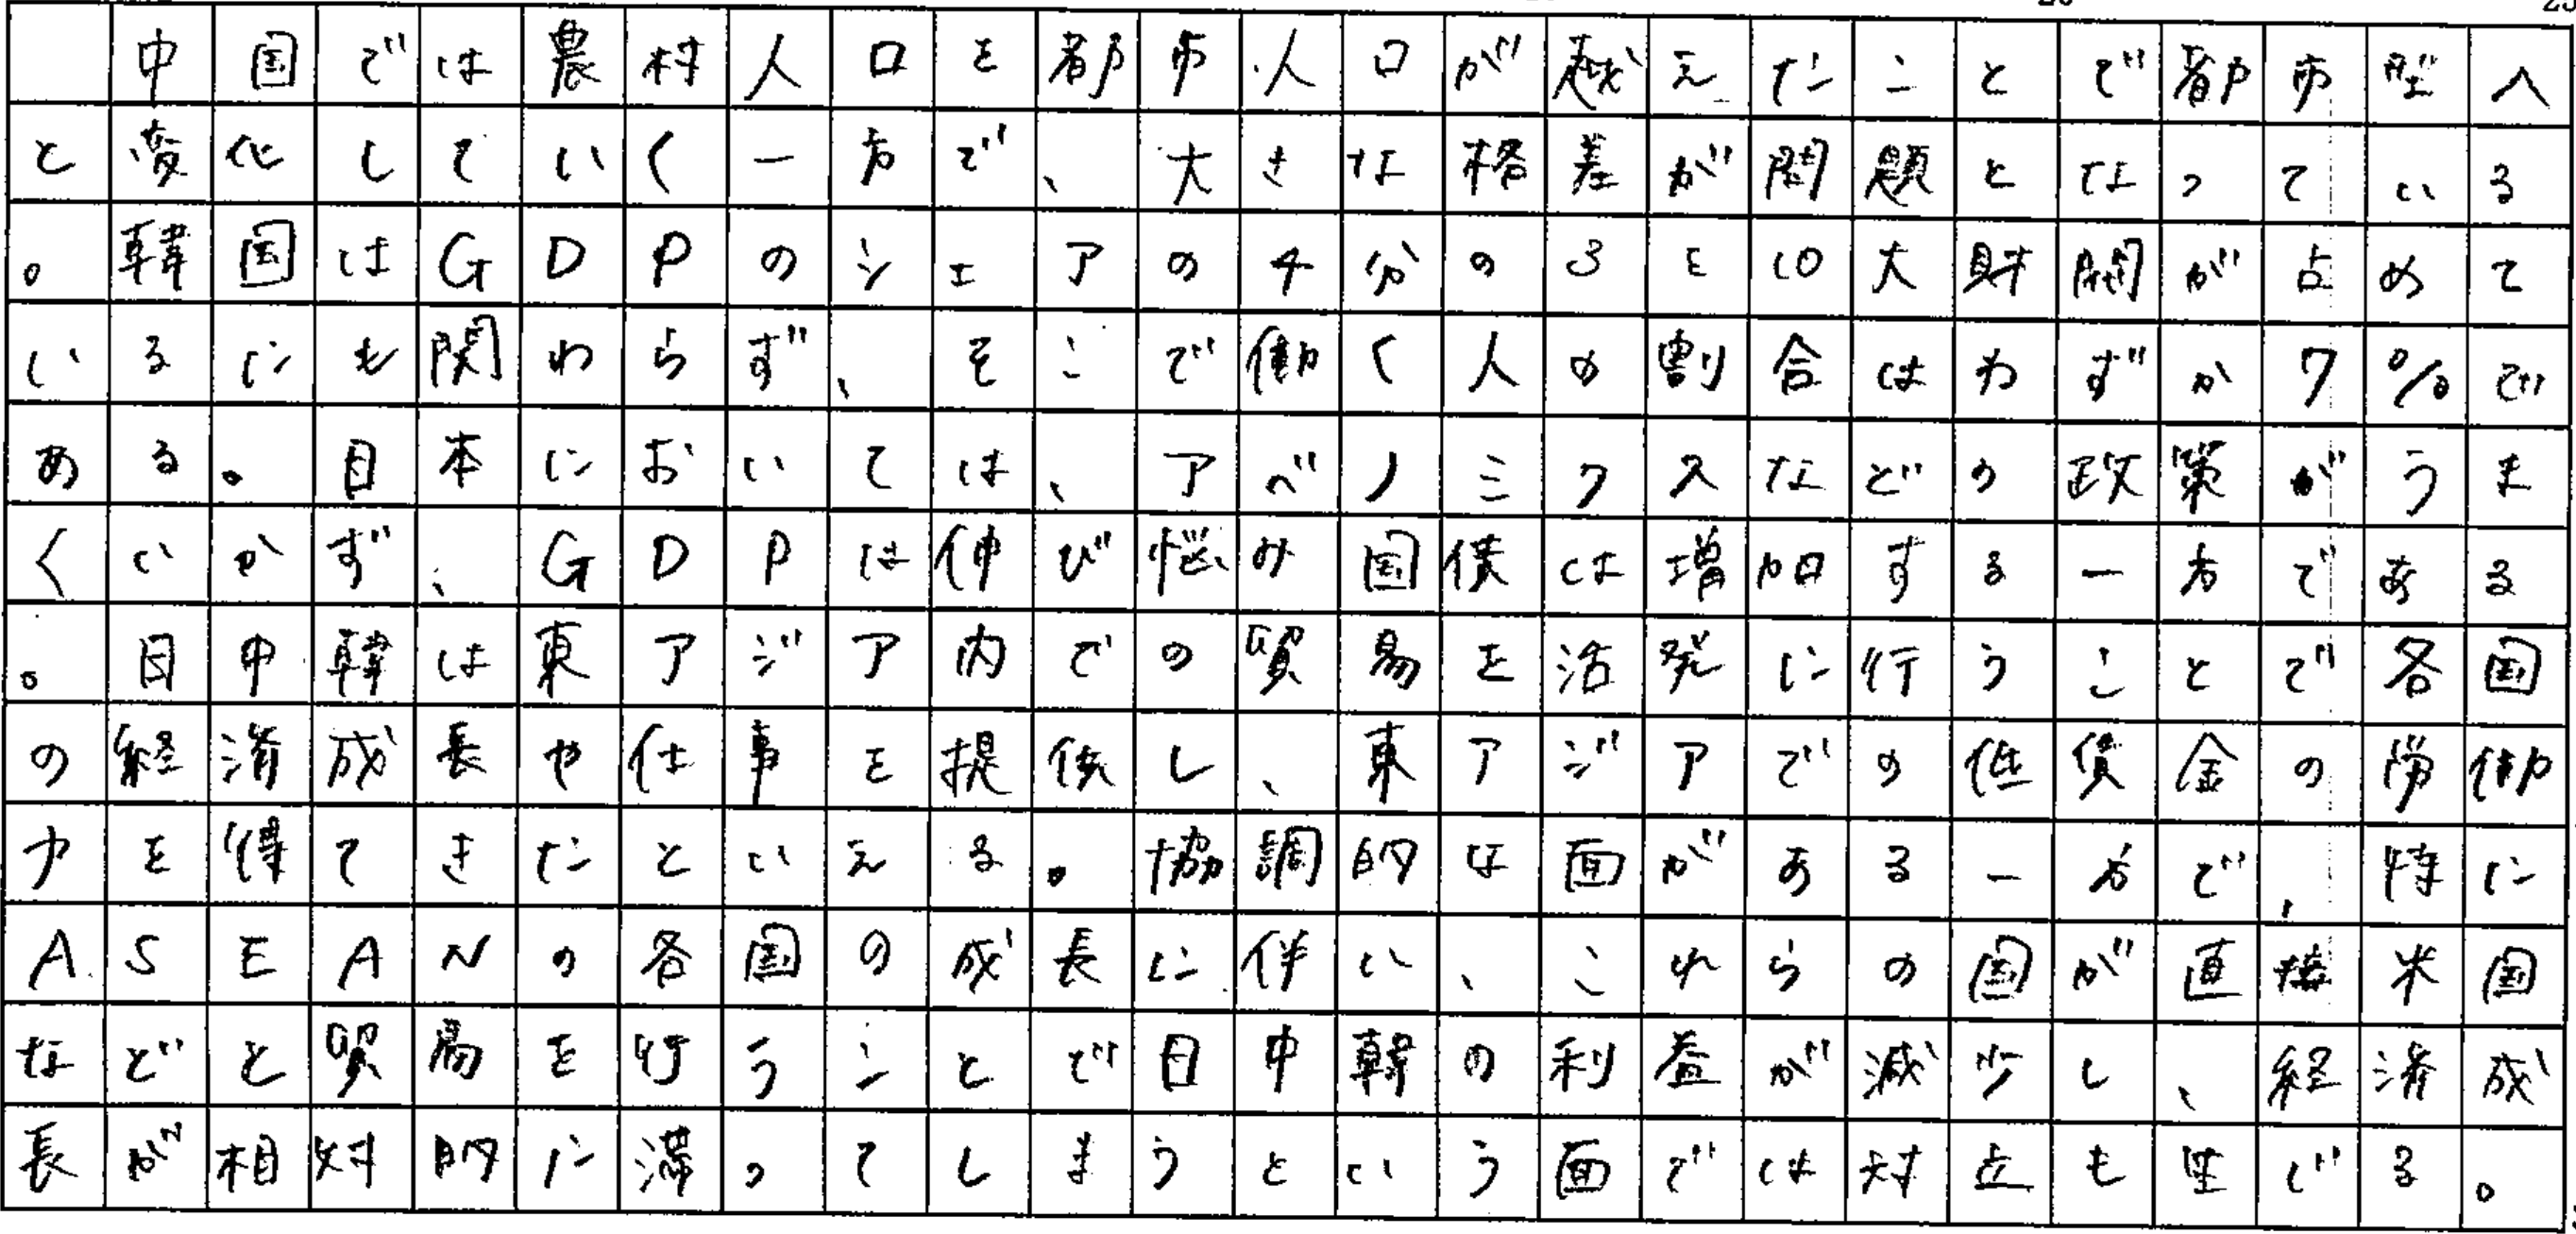　中国では農村人口を都市人口が越えたことで都市型へと変化していく一方で、大きな格差が問題となっている。韓国はＧＤＰのシェアの４分の３を１０大財閥が占めているにも関わらず、そこで働く人の割合はわずか７％である。日本においては、アベノミクスなどの政策がうまくいかず、ＧＤＰは伸び悩み国債は増加する一方である。日中韓は東アジア内での貿易を活発に行うことで各国の経済成長や仕事を提供し、東アジアでの低賃金の労働力を得てきたといえる。協調的は面がある一方で、特にＡＳＥＡＮの各国の成長に伴い、これらの国が直接米国などと貿易を行うことで日中韓の利益が減少し、経済成長が相対的に滞ってしまうという面では対立も生じる。
